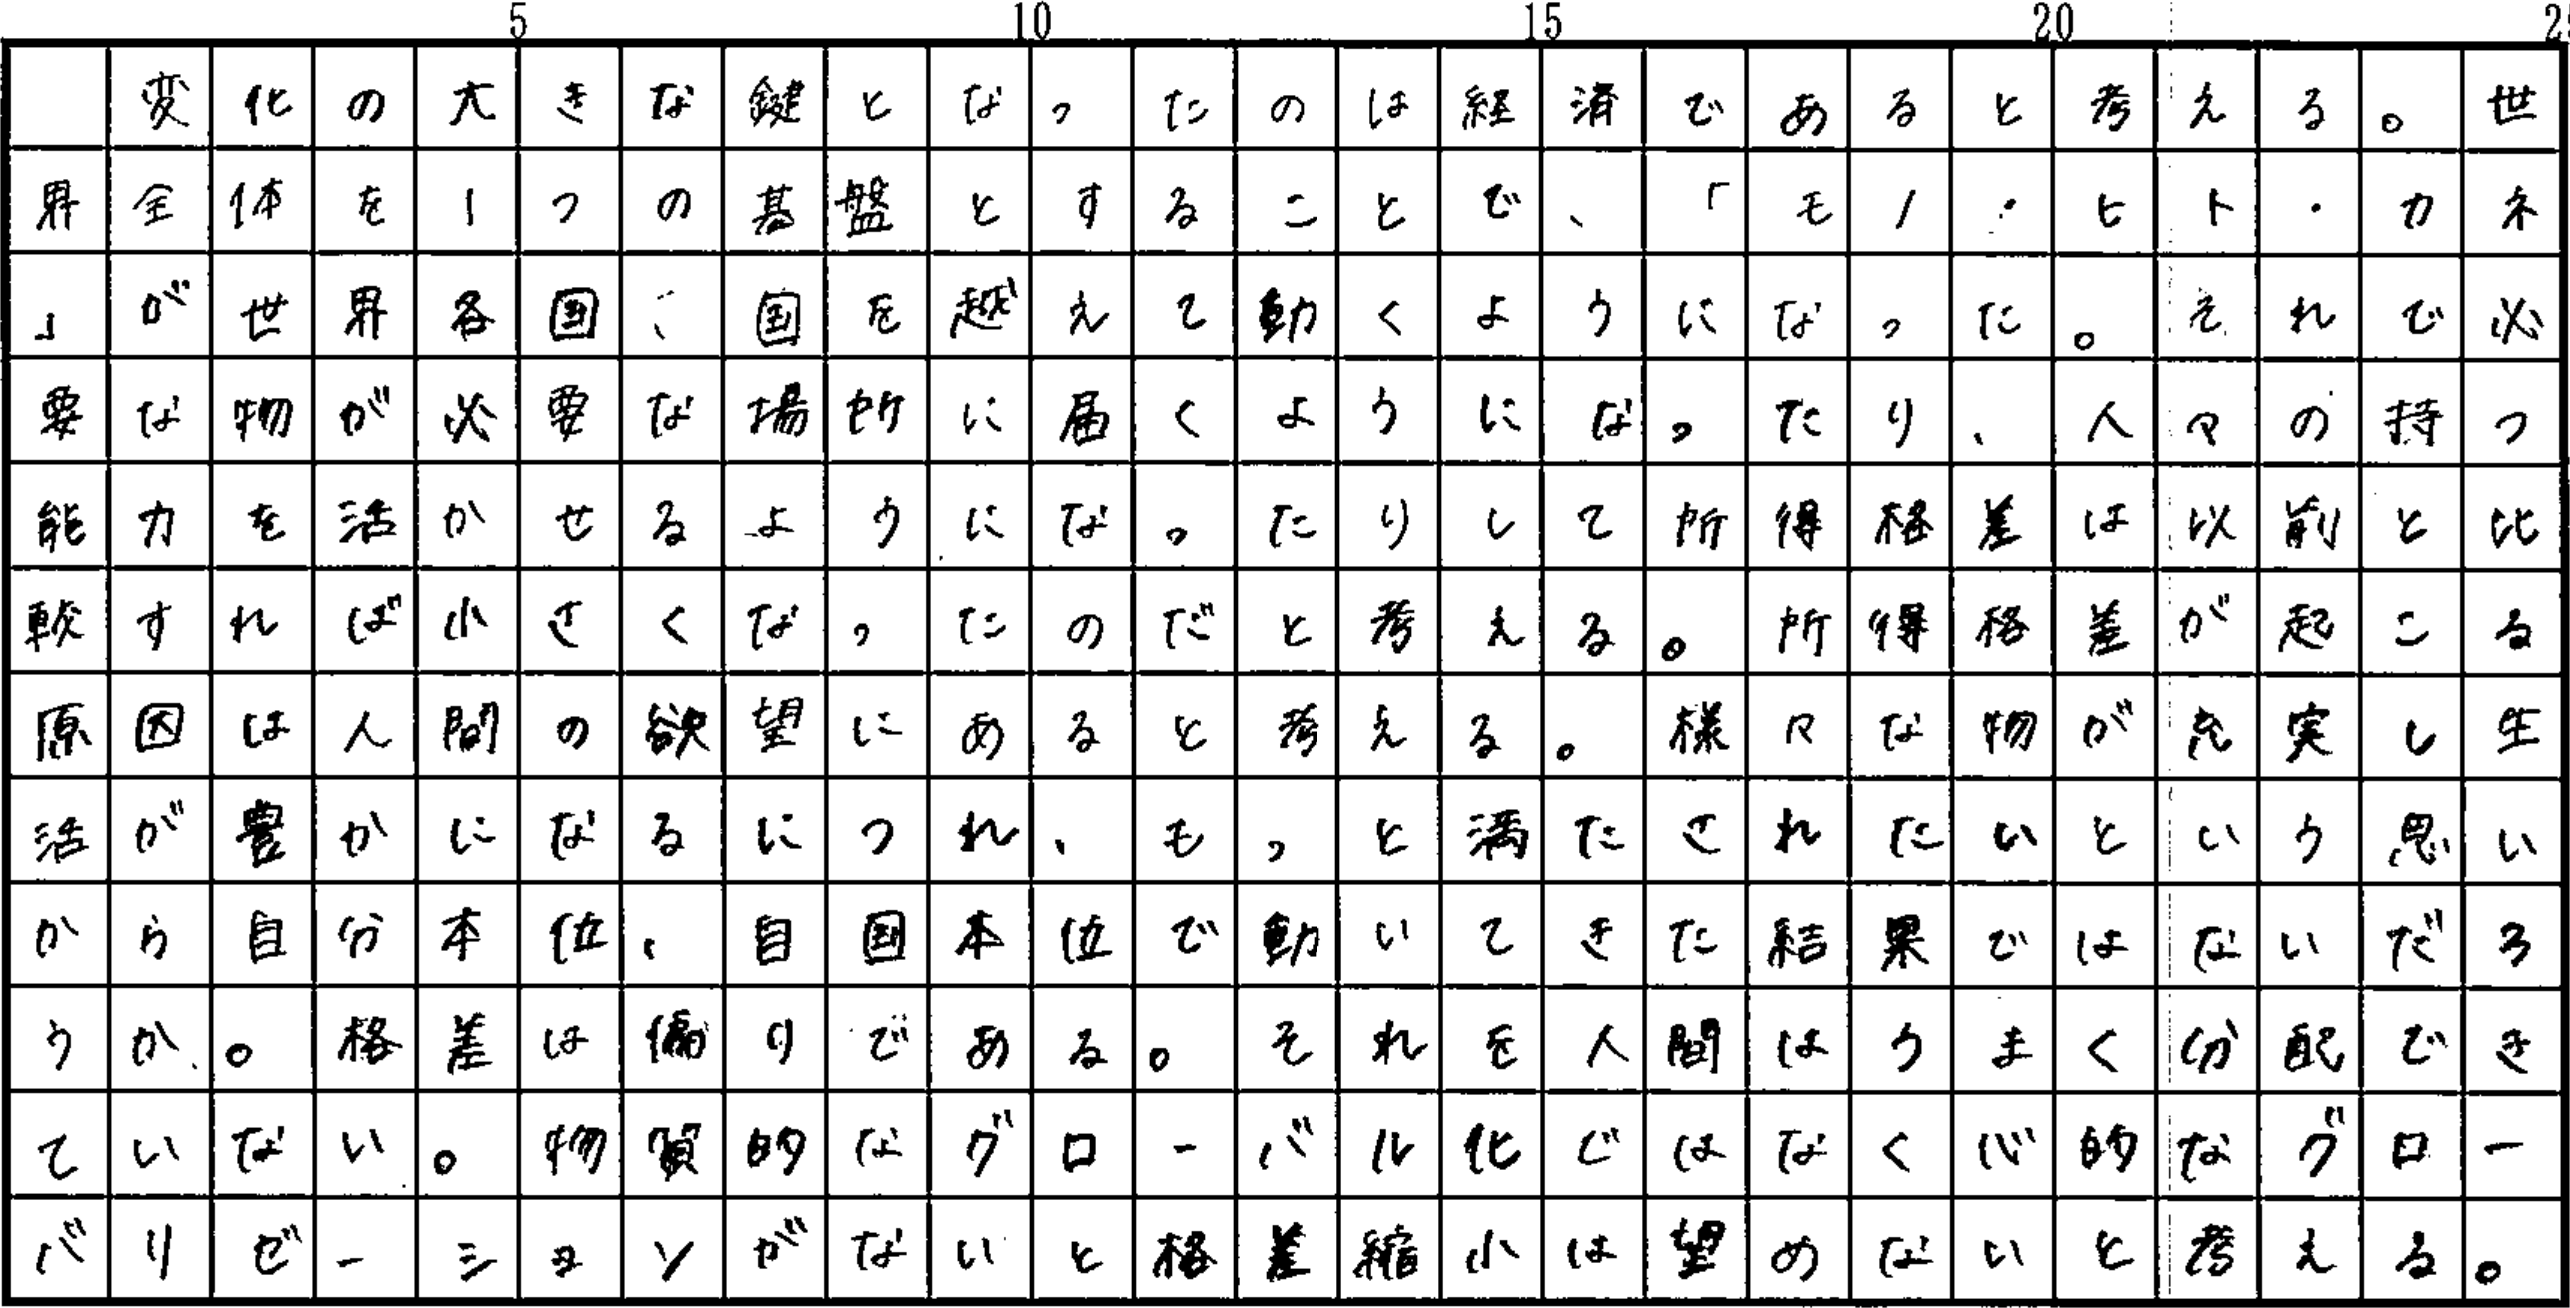　変化の大きな鍵となったのは経済であると考える。世界全体を１つの基盤とすることで、「モノ・ヒト・カネ」が世界各国、国を越えて動くようになった。それで必要な物が必要な場所に届くようになったり、人々の持つ能力を活かせるようになったりして所得格差は以前と比較すれば小さくなったのだと考える。所得格差が起こる原因は人間の欲望にあると考える。様々な物が充実し生活が豊かになるにつれ、もっと満たされたいという思いから自分本位、自国本位で動いてきた結果ではないだろうか。格差は偏りである。それを人間はうまく分配できていない。物質的なグローバル化ではなく心的なグローバリゼーションがないと格差縮小は望めないと考える。
